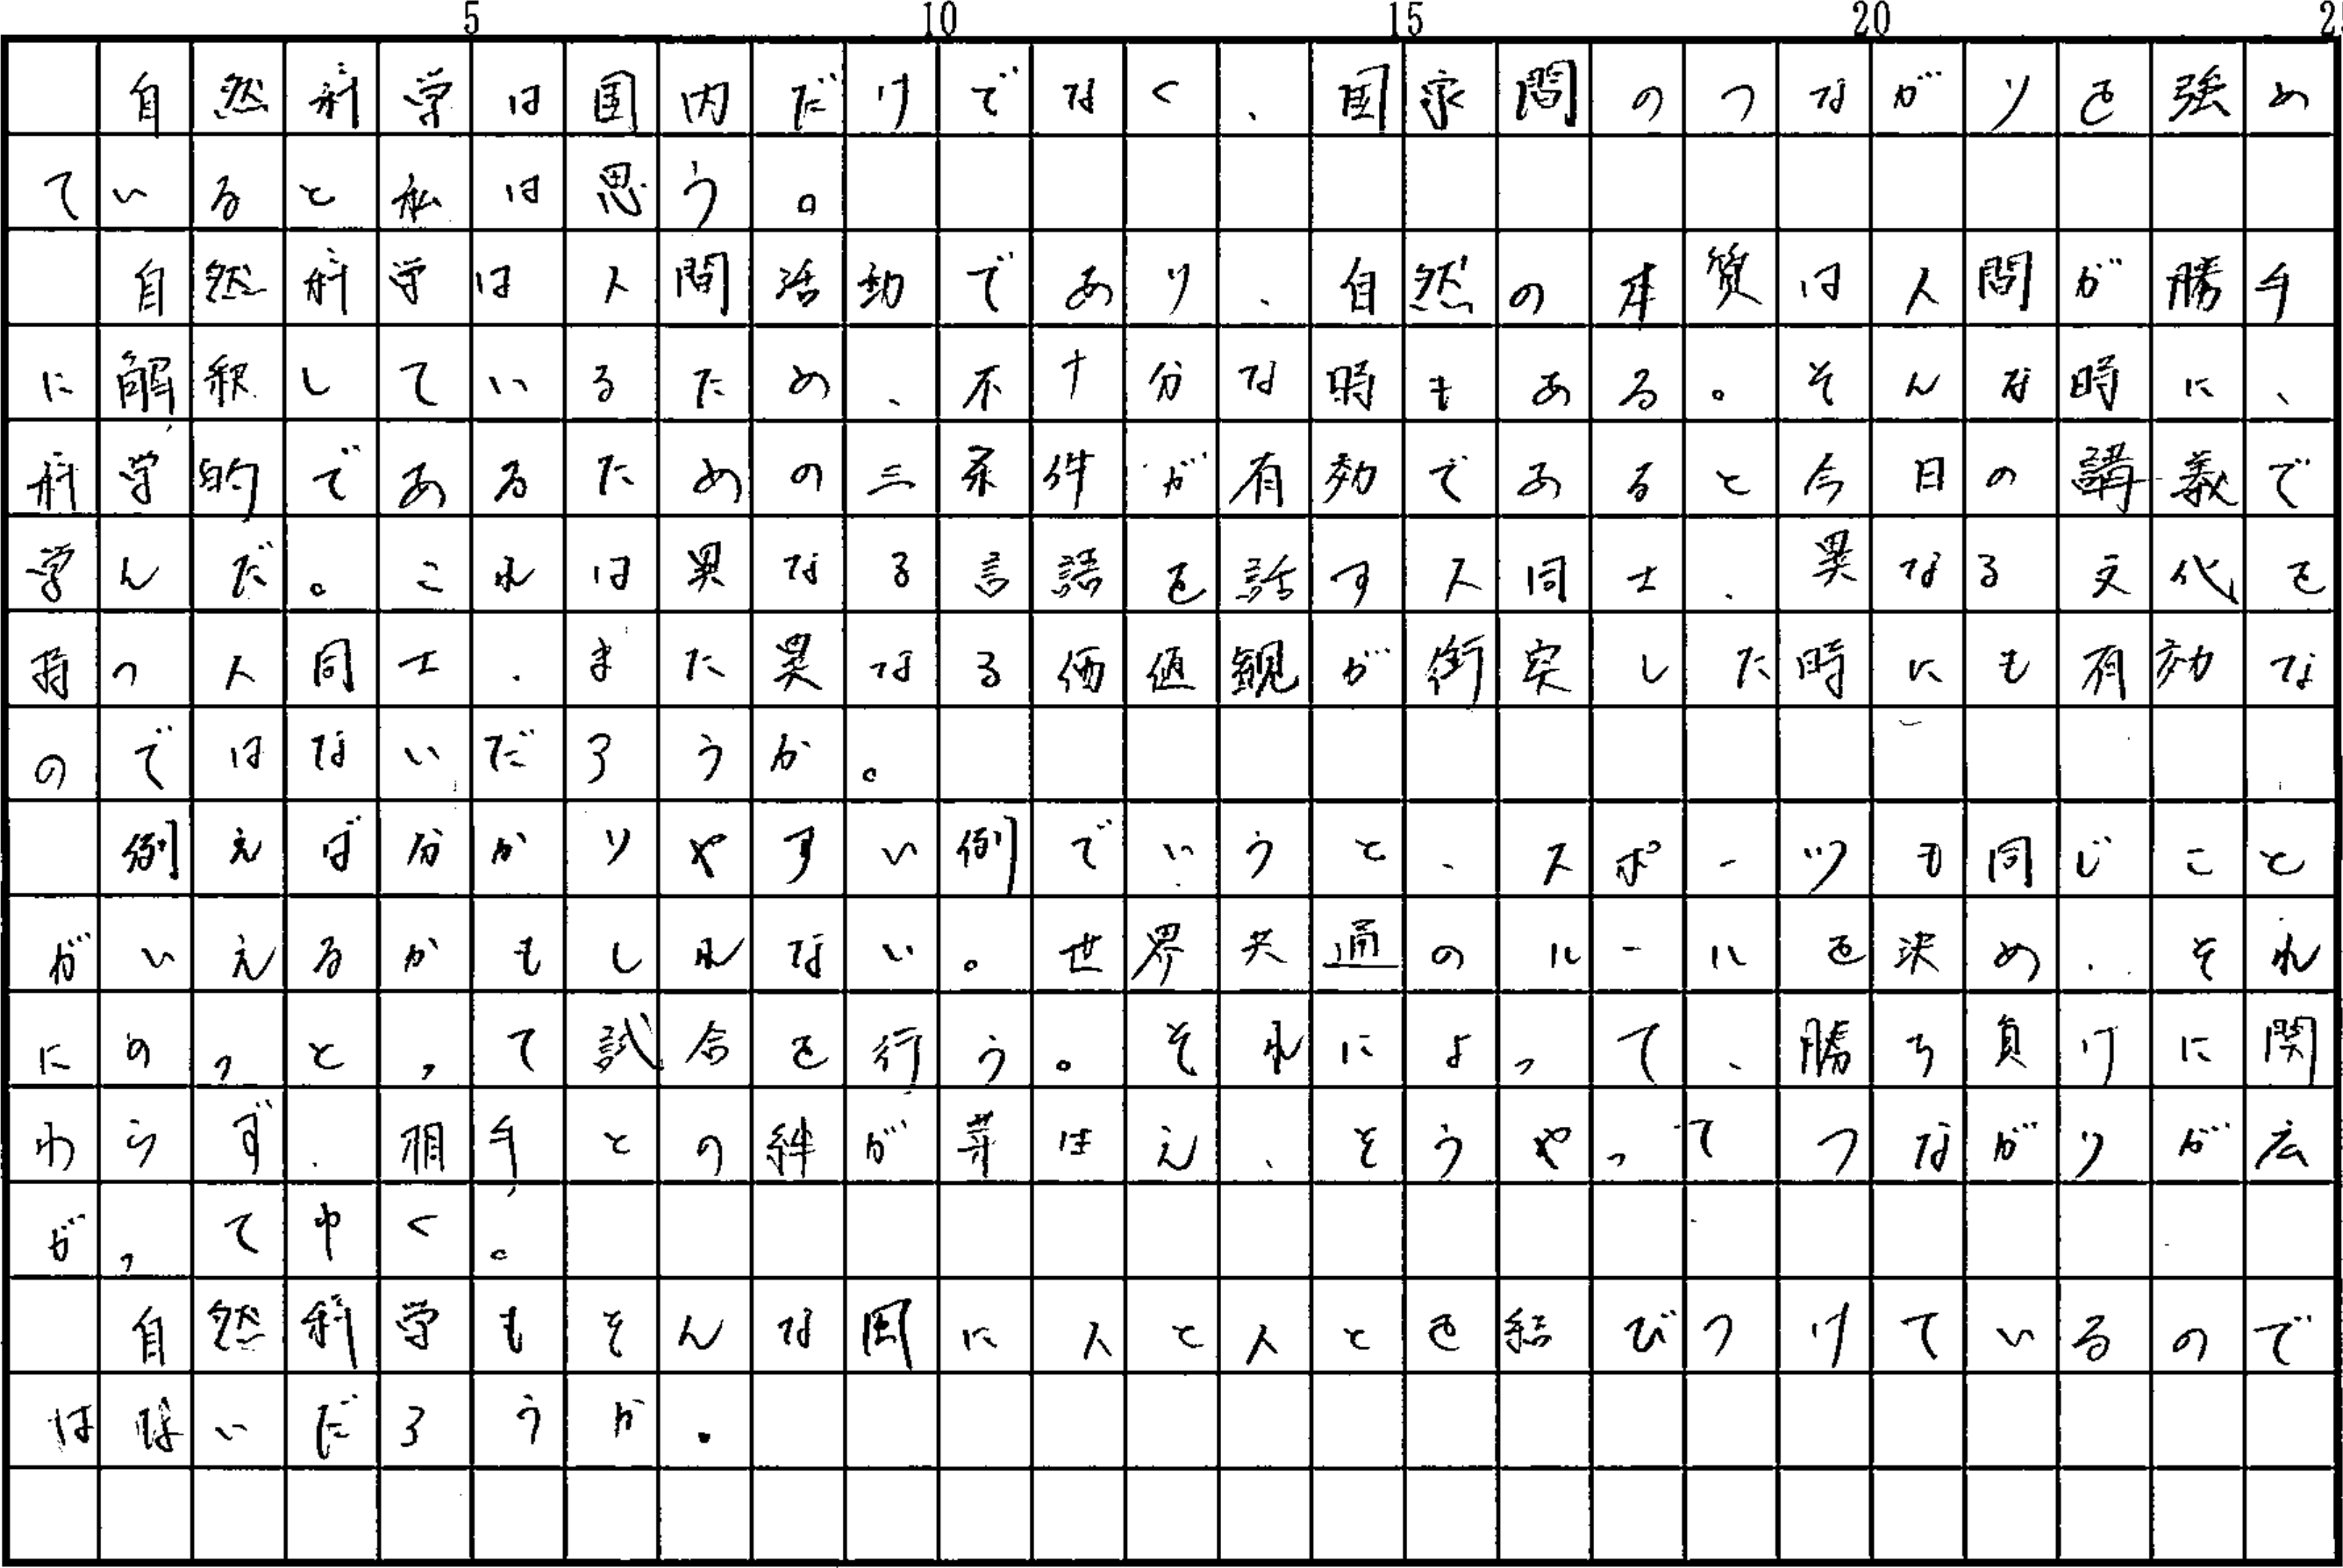　自然科学は国内だけでなく、国家間のつながりを強めていると私は思う。
　自然科学は人間活動であり、自然の本質は人間が勝手に解釈しているため、不十分な時もある。そんな時に、科学的であるための三条件が有効であると今日の講義で学んだ。これは異なる言語を話す人同士、異なる文化を持つ人同士、また異なる価値観が衝突した時にも有効なのではないだろうか。
　例えば分かりやすい例でいうと、スポーツも同じことがいえるかもしれない。世界共通のルールを決め、それにのっとって試合を行う。それによって、勝ち負けに関わらず、相手との絆が芽生え、そうやってつながりが広がってゆく。
　自然科学もそんな風に人と人とを結びつけているのではないだろうか。
